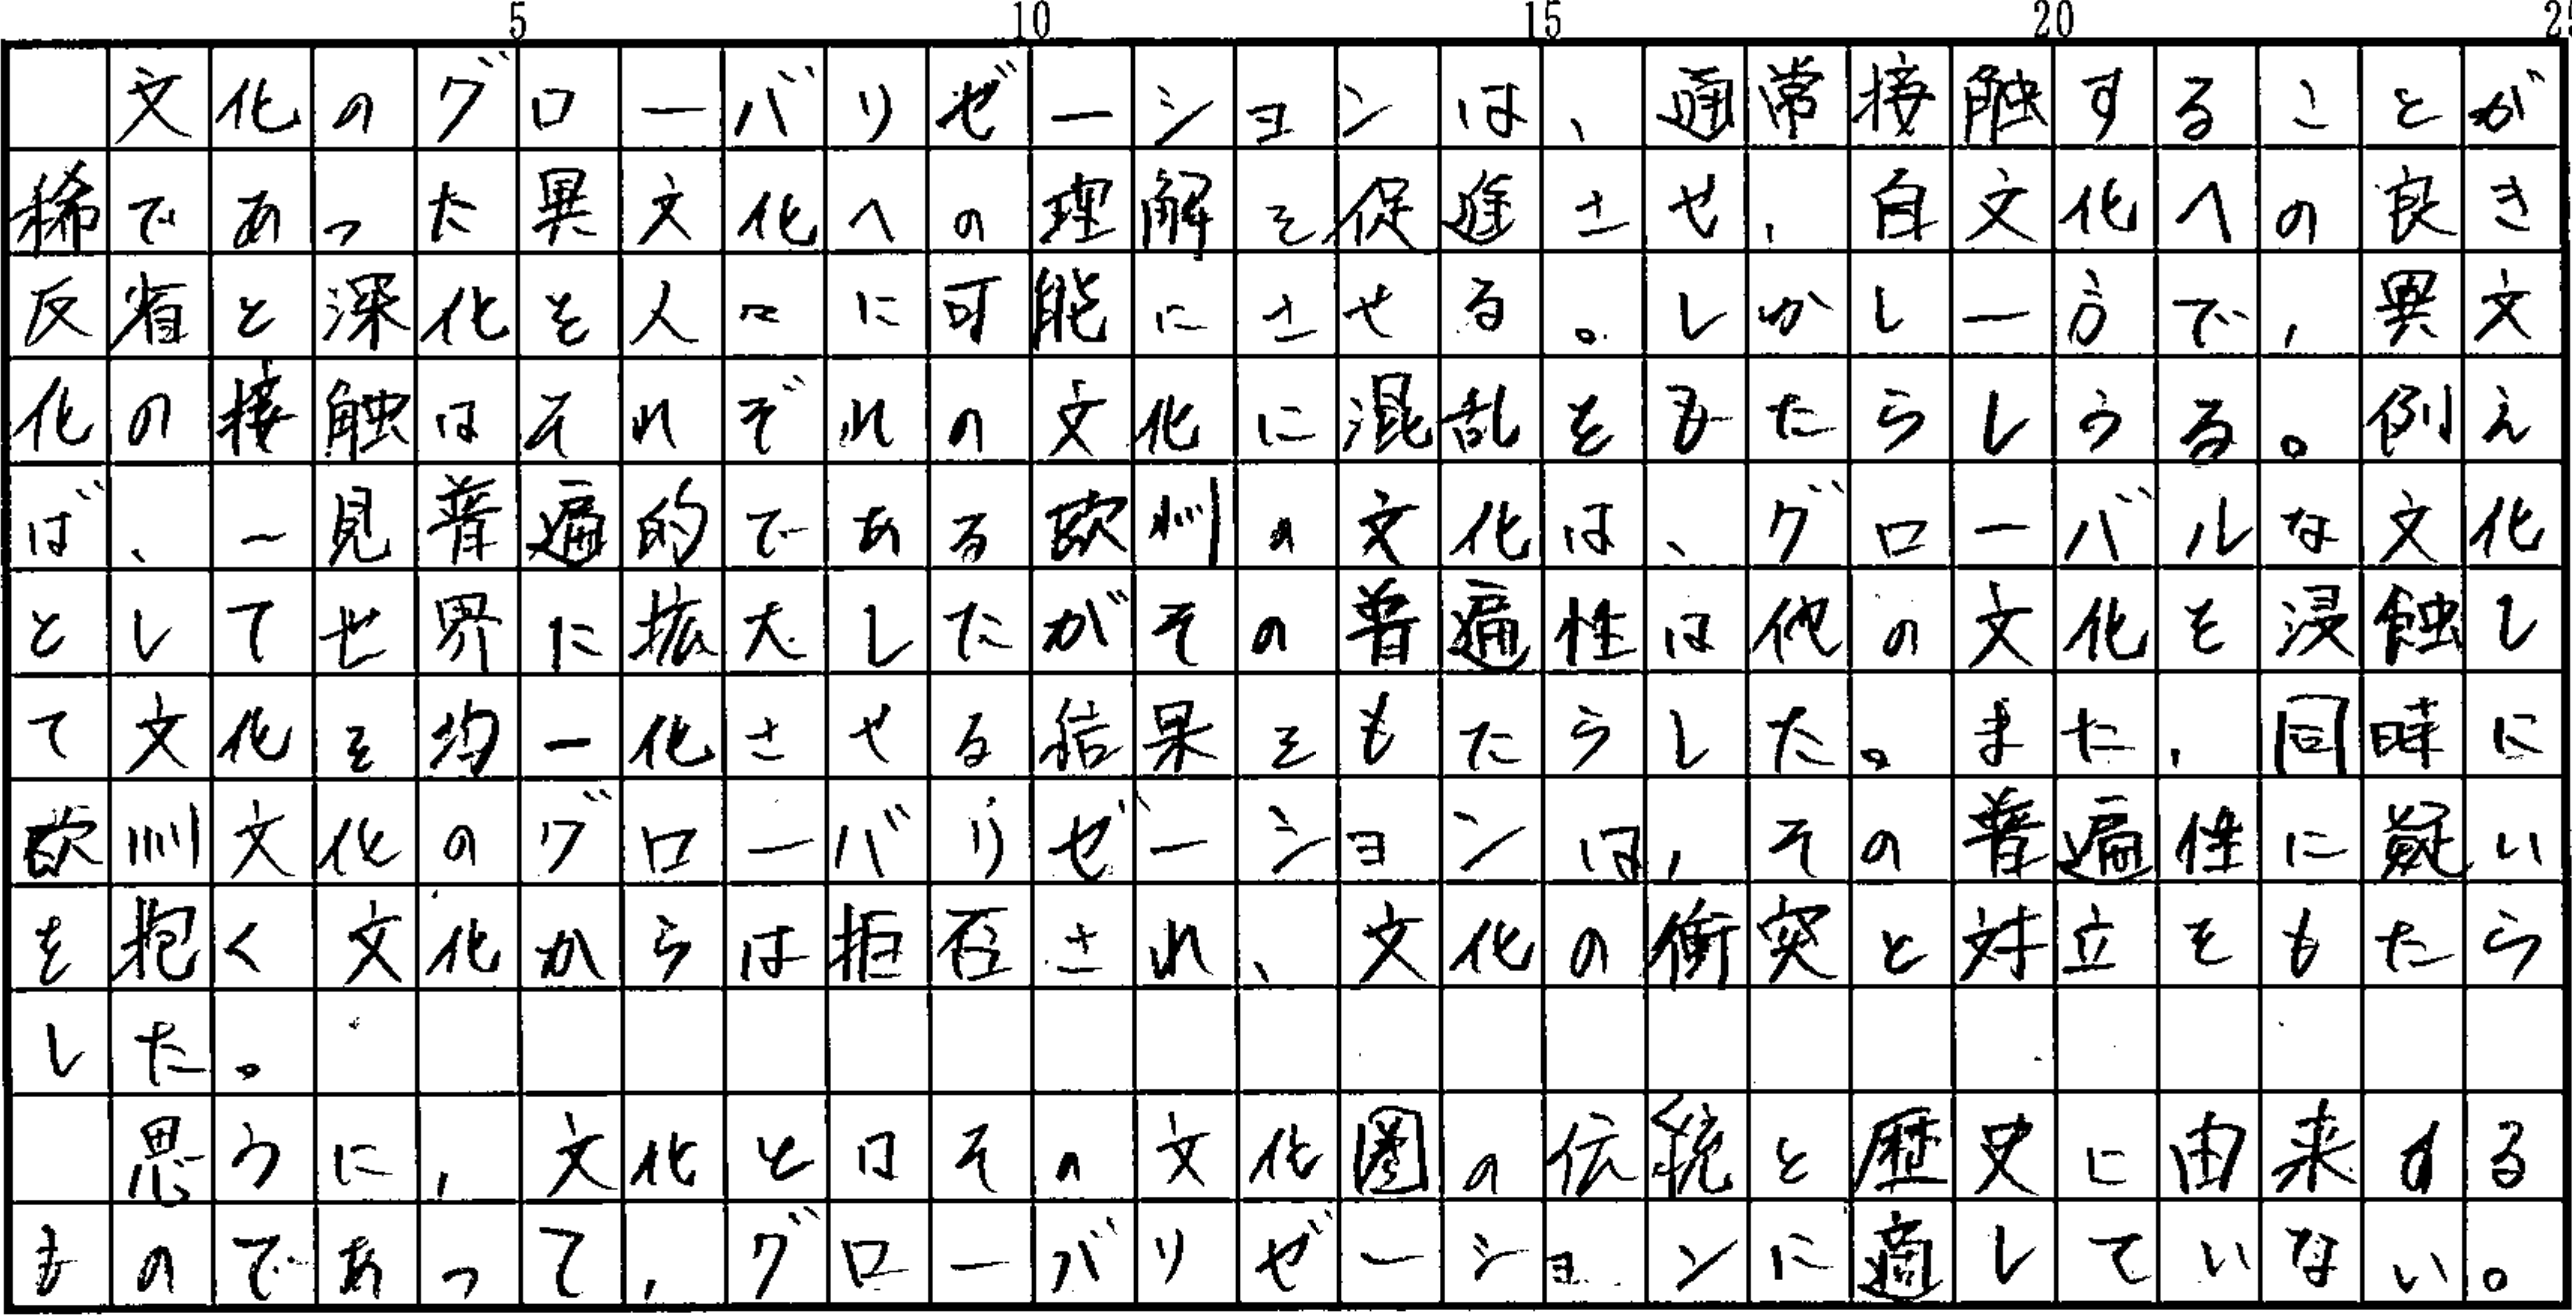　文化のグローバリゼーションは、通常接触することが稀であった異文化への理解を促進させ、自文化への良き反省と深化を人々に可能にさせる。しかし一方で、異文化の接触はそれぞれの文化に混乱をもたらしうる。例えば、一見普遍的である欧州の文化は、グローバルな文化として世界に拡大したがその普遍性は他の文化を浸蝕して文化を均一化させる結果をもたらした。また、同時に欧州文化のグローバリゼーションは、その普遍性に疑いを抱く文化からは拒否され、文化の衝突と対立をもたらした。
　思うに、文化とはその文化圏の伝統と歴史に由来するものであって、グローバリゼーションに適していない。
